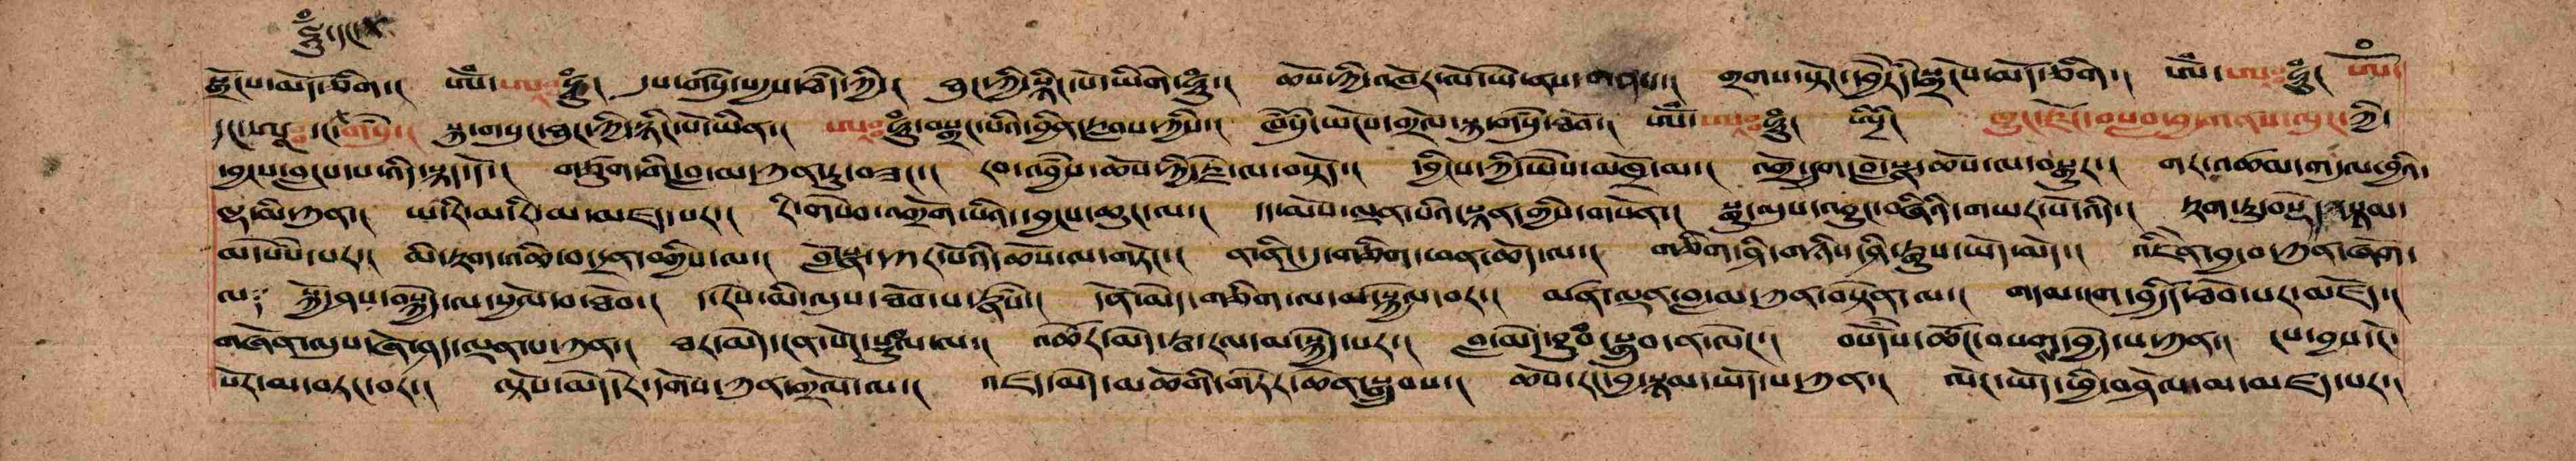སྒྲོངས་མཛོད་ཅིག། ཨོཾ་ཨཱཿཧཱུཾ། དུས་གསུམ་སངས་རྒྱས་ཐམས་ཅད་ཀྱི།། ཐུགས་ཀྱི་སྙིང་པོ་ཡིག་གེ་ཧཱུཾ།། ཆོས་ཀྱི་འཁོར་ལོ་ཡེ་ནས་གནས།། གྲགས་སྟོང་དབྱེར་མེད་སྒྲེངས་མཛོད་ཅིག། ཨོཾ་ཨཱཿཧཱུཾ། ཨོཾ་
དང་ཨཱཿདང་གསུམ།། སྐུ་གསུང་ཐུགས་ཀྱི་སྙིང་པོ་ཡིན།། ཨཱཿཧཱུཾ་བསྒྲང་པའི་བྱིན་རླབས་ཀྱིས།། ཁམས་གསུམ་ཡོངས་གྲོལ་སྐུ་གསུམ་ཐོབ།། ཨོཾ་ཨཱཿཧཱུཾ། ཨིཊི།། ཁྱུང་རྫོང་བསླབ་བྱ་གནས་ལུགས་ཀྱི་
དབྱངས་བླངས་པ་འདི་སྐད་དོ།། གཙུག་གི་བླ་མ་ཀུན་ཏུ་བཟང་།། རབ་འབྱམས་ཆོས་ཀྱི་རྗེ་ལ་བསྟོད།། དབྱིངས་ཀྱི་ཡེ་ཤེས་མཁའ་འགྲོ་མ།། འགྲོ་དྲུག་བློ་སྣ་ཆོས་ལ་བསྒྱུར།། གར་འཚམ་གདུལ་བྱའི་
ལྷ་མི་ཀུན།། ཡ་རི་མ་རི་མ་མཛད་པར།། རི་གསེབ་འགྲོག་པའི་དབྱངས་ཆུང་ལ།། དད་མོས་ལྡན་པའི་སྙན་གྱིས་གསོན།། སྒྱུ་ལུས་འབྱུང་བཞིའི་གཡར་པོ་འདི།། རྟག་ཏུ་སྡོད་སྙམ་
མ་སེམས་པར།། མི་རྟག་འཆི་བ་དྲན་བགྱིས་ལ།། བློ་སྣ་དཀར་པོའི་ཆོས་ལ་གཏོང་།། ན་ནིང་དུ་གཅིག་ཕན་ཆོད་ལ།། གཅིག་ཤི་གཉིས་ཤི་རྒྱུས་ཡོད་མེད།། འཇིག་རྟེན་བྱ་བ་ཀུན་ཞོག་
ལ།། སྐྱོ་ཤས་བསྐྱེད་ལ་གསོལ་བ་ཐོིབས།། ད་རེས་མི་ལུས་ཐོབ་པ་རྣམས།། དོན་མེད་གཅིག་ལ་མ་སྐྱེལ་བར།། མཚན་ལྡན་བླ་མ་ཀུན་བསྟེན་ལ།། གདམ་ངག་བདུད་རྩི་ཐོབ་པར་མཛོད།། 
གཞོན་ལུས་ཞོ་ཤད་ལྡན་པ་ཀུན།། ཐར་མེད་ངན་སོང་སྡུག་བསྔལ་ལ།། འཚེར་མེད་རྦ་རལ་མ་སྐྱེད་པར།། བླ་མེད་བྱང་ཆུབ་སྒྲུབ་ན་ལེགས།། བསོད་ནམས་ཚོགས་བསགས་བྱེད་པ་ཀུན།། ངས་བྱས་ངོ་
སོར་མ་བཏང་བར།། ལྟོས་མེད་རེ་དོགས་ཀུན་གྲོལ་ལ།། འཛད་མེད་མཆོག་གི་གཏེར་ཆེན་སྒྲུབས།། ཆོས་རང་བྱ་སྙམ་ཡོད་པ་ཀུན།། ཡོང་ཡོད་ཕྱི་བཤོལ་མ་མཛད་པར།།